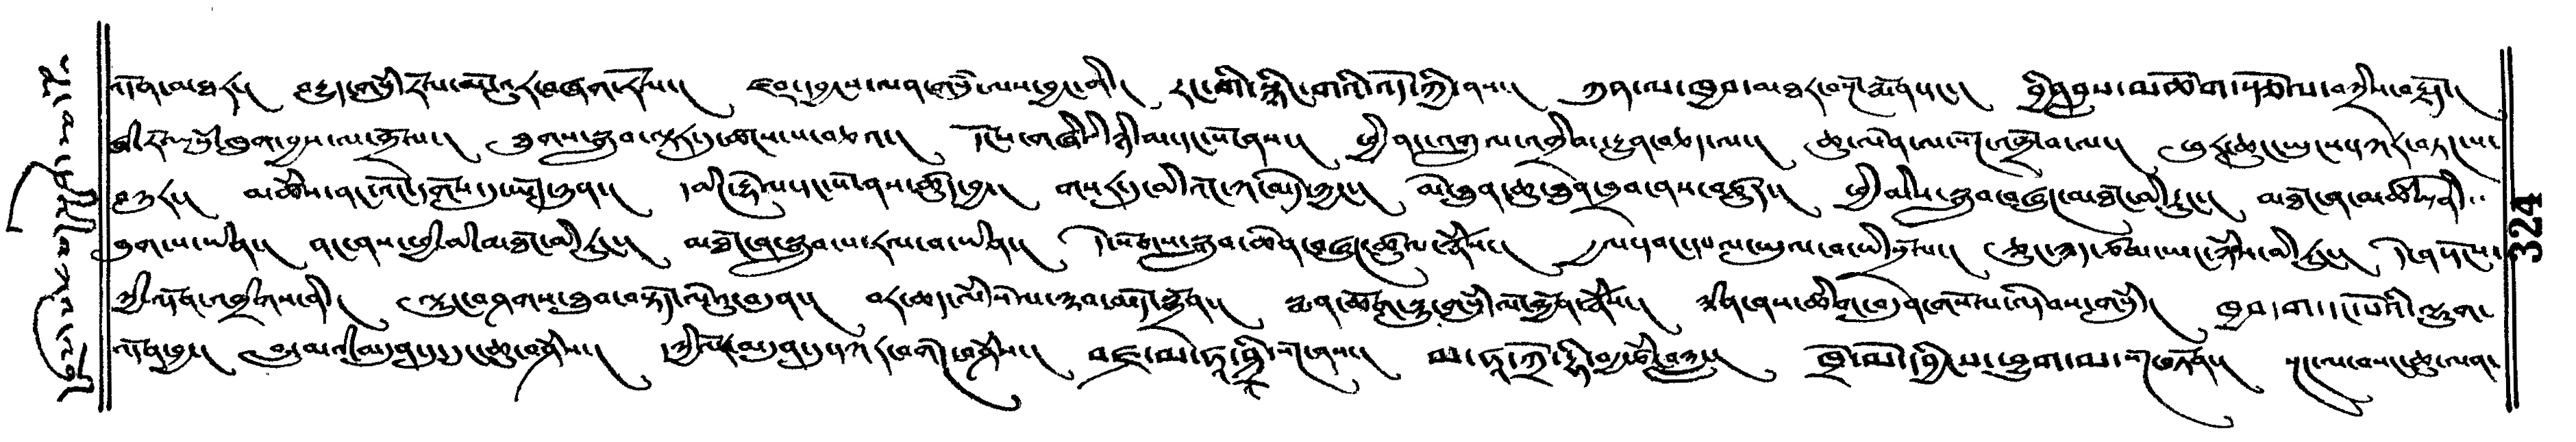འདོན་མཐར། །བརྒྱུད་གསུམ་རོལ་མོ་འུར་བཞག་རོལ། །འཛབ་དབྱངས་ལན་གསུམ་ལས་བྱང་གི །རང་གི་སྙིང་གའི་འོད་ཀྱི༴ ནས། །ཀུན་ལ་ཁྱབ༴ མཐར་བསྔོ་སྨོན་དང་། །བྱིན་རླབས་མཆོག་སྩོལ༴ བཀྲ་ཤིས་བརྗོད། །
ཞི་རོལ་སུམ་ཁུག་བྱས་ལ་གྲོལ། །ཐུགས་སྒྲུབ་ལྟར་དུ་ཚངས་པ་བཅའ། །དངོས་གཞིའི་ཉི་མ་དང་པོ་ནས། །ཕྱི་ནང་འགྲུལ་འགྲིམ་རྒྱུན་བཅད་ལ། །ཆུ་ལེན་ལ་སོགས་འགྲོ་བ་ལ། །ཕུར་ཆུང་ཡུངས་དཀར་བཏགས་པ་
བཀུར། །མཚམས་ནང་འོང་དགོས་དུ་ཡོད་ཀུན། །དམིགས་རྡེལ་དང་པོ་ནས་ཚུད་བྱ། །གསར་དུ་མི་འོང་ཀ་མེད་ཀྱང་། །མེ་ཐུན་ཆུ་ཐུན་བྲབས་ནས་བཙུད། །ཕྱི་མིས་སྒྲུབ་བཞུགས་མཐོང་མི་རུང་། །མཐོང་ན་མཚམས་ནི་
བུག་པ་ཡིན། །ནང་ནས་ཕྱི་མི་མཐོང་མི་རུང་། །མཐོང་ན་སྒྲུབ་པ་རལ་བ་ཡིན། །དེ་སོགས་སྒྲུབ་ཆེན་བཞུགས་ཚུལ་རྣམས། །རྒྱལ་དབང་དཔལ་ཡུལ་བ་ཡི་སྲོལ། །ཅུང་ཟད་ཙམ་ཡང་ཉམས་མི་རུང་། །དེ་ནས་དངོས་
ཀྱི་འདོན་འགྲིགས་ནི། །ལྟུང་བཤགས་ཐུབ་བསྟོད་ལེའུ་བདུན། །བར་ཆད་ལམ་སེལ་ཟབ་མདོ་སྒྲོན། །སྨན་ཆོག་སྐུ་གསུམ་ལོ་གྱོན་རྣམས། །ཟིན་ནས་ཚིག་བདུན་གསོལ་འདེབས་གསུམ། ཁྱབ་བདག་དང་པོའི༴ ལྷུག་
འདོན་བྱ། །བླ་མའི་མདུན་དུ་དུང་ཆུ་བཤམས། །དཀྱིལ་འཁོར་མདུན་དུ་དཀར་བགེགས་བཤམས། །བཛྲ་མ་ཧཱ་ཤྲཱི༴ སོགས་ནས། མ་ཧཱ་ཀྲོ་དྷི༴ བརྒྱ་ཙམ་བཟླ། །ཁྲོ་མོ་དབྱིངས་ཕྱུག་མ༴ སོགས་བཏོན། །སྔགས་ལ་བསང་ཆུ་ལན་